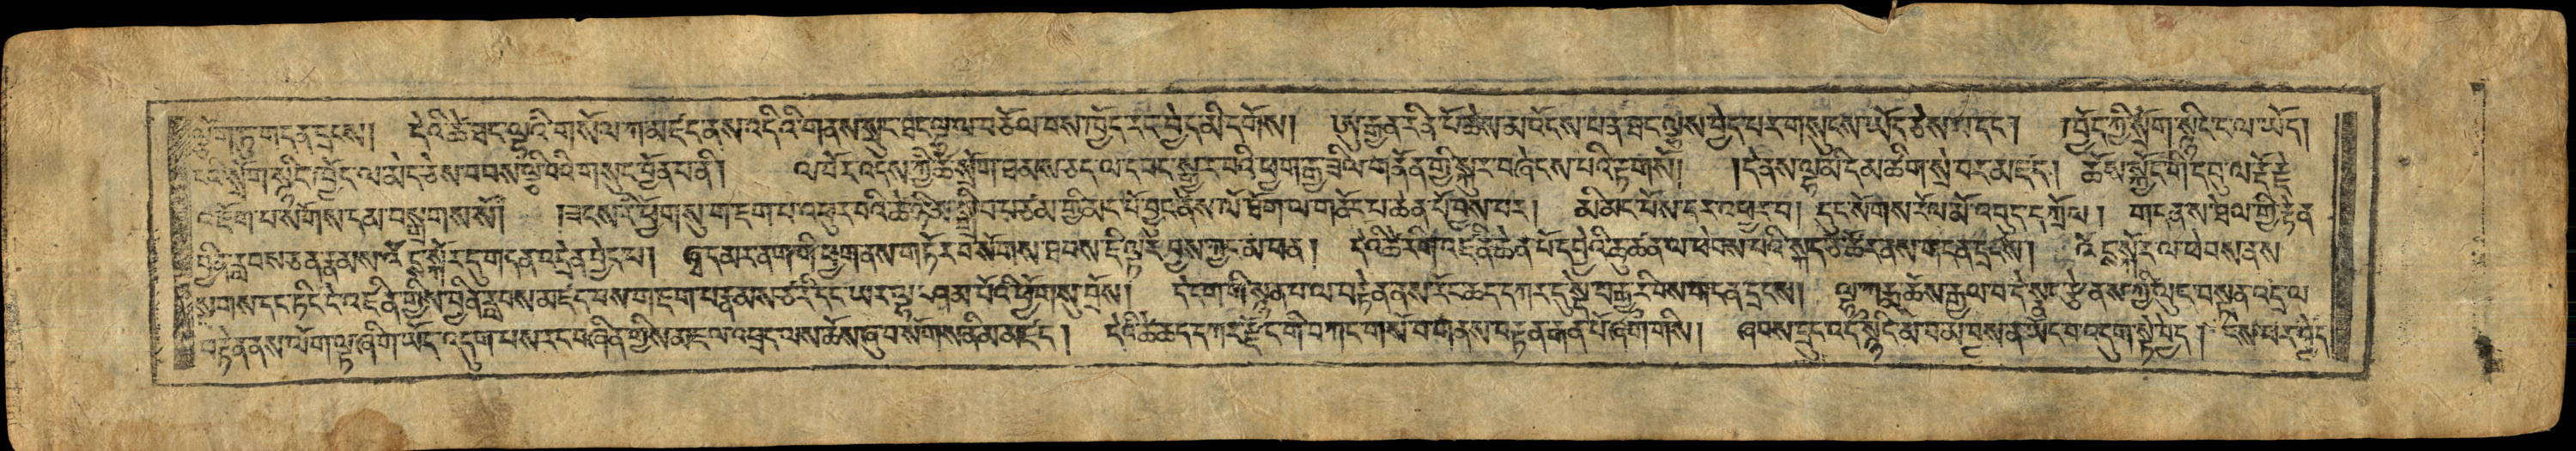ལྕོག་ཏུ་གདན་དྲངས། དེའི་ཚེ་ཐང་ལྷའི་གསོལ་ཀ་མཛད་ནས་འདིའི་གནས་སྲུང་ཐང་ལྷ་ལ་བཅོལ་བས་ཁྱོད་རང་བྱེད་མི་དགོས། ཨུ་རྒྱན་རིན་པོ་ཆེས་མ་འོངས་པ་ན་ཐང་ལྷས་བྱེད་པར་གསུངས་ཡོད་ཅེས་པ་དང་། ཁྱོད་ཀྱི་སྲོག་སྙིང་ང་ལ་ཡོད།
ངའི་སྲོག་སྙིང་ཁྱོད་ལ་མེད་ཅེས་བབས་ལྕི་བའི་གསུང་བྱོན་པ་ནི། འཁོར་འདས་ཀྱི་ཚེ་སོག་ཐམས་ཅད་ལ་དབང་སྒྱར་བའི་ཕྱག་རྒྱ་ཟིལ་གནོན་གྱི་སྐུར་བཞེངས་པའི་རྟགས་སོ། །དེ་ནས་ལྷ་མི་དམ་ཚིག་སྲེ་བར་མཛད། ཆོས་སྐྱོང་གི་དབུ་ལ་རྡོ་རྗེ་
འཇོག་པ་སོགས་དམ་བསྒྲགས་སོ། །ཟངས་རི་ཕྱོགས་སུ་ག་ཇག་པ་འཕུར་བའི་ཚེ་ཉི་མ་སྒྲིབ་པ་ཙམ་གྱི་མང་པོ་བྱུང་ནས་ལོ་ཐོག་ལ་གནོད་པ་ཆེན་པོ་བྱས་པར། མི་མང་པོས་དར་འཕྱར་བ། དུང་སོགས་རོལ་མོ་འབུད་དཀྲོལ། གདན་ས་ཐལ་གྱི་རྟེན་
བྱིན་རླབས་ཅན་རྣམས་འོངས་སྐོར་དུ་གདན་འདྲེན་བྱེད་པ། ཞྭ་དམར་ནག་གི་ཕྱག་ནས་གཏོར་བ་སོགས་ཐབས་ཇི་ལྟར་བྱས་ཀྱང་མ་ཕན། དེའི་ཚེ་རིག་འཛིན་ཆེན་པོ་དབྱེའི་ཆུ་ཚན་ལ་ཕེབས་པའི་སྐད་ཅ་ཚོར་ནས་གདན་དྲངས། ལོངས་སྐོར་ལ་ཕེབས་ནས་
སྔགས་དང་ཏིང་ངེ་འཛིན་གྱིས་བྱིན་རླབས་མཛད་པས་ག་ཇག་པ་རྣམས་ཙ་རི་དང་ཡར་ལྷ་ཤམ་པའ་?་ཕྱོགས་སུ་བྲས། དེ་དག་གི་སྙན་པ་ལ་བརྟེན་ནས་རོང་ཆད་དཀར་དུ་སྡེ་པ་རྒྱ་རི་བས་གདན་དྲངས། ལྷ་ཀརྨ་ཆོས་རྒྱལ་བ་དེ་སྣང་རྩ་ནས་ཀྱི་ལུང་བསྟན་འདྲལ་
བརྟེན་ནས་ལོག་ལྟ་ཞིག་ཡོང་འདུག་པས་རང་བཞིན་གྱིས་མཇལ་འཕྲང་ལས་ཆོས་ཞུ་བ་སོགས་ནི་མ་མཛད། དེའི་ཚེ་ཆད་དཀར་རྫོང་གི་བཀང་གསོ་བ་གནས་བརྟན་རྒན་པོ་ཞྀག་གིས། ཞབས་དྲུང་འདྀ་སྙིང་མ་བ་མ་བྱས་ན་ཡོང་བ་འདུག་སྟེ་བྱེད། ངེས་པར་བྱེད་